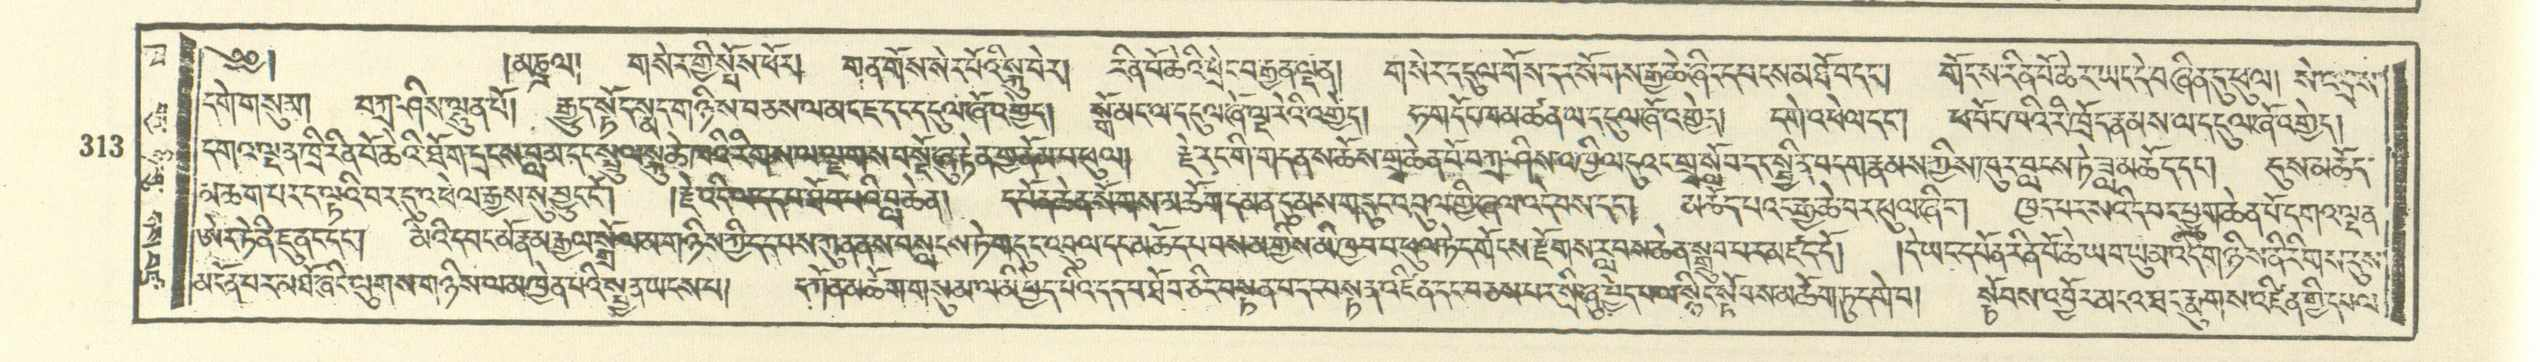༄༅། །མཎྜལ། གསེར་གྱི་སྤོས་ཕོར། གན་གོས་སེར་པོའི་སྐུ་བེར། རིན་པོ་ཆེའི་ཕྲེང་བ་རྒྱན་ལྡན། གསེར་དངུལ་གོས་དར་སོགས་རྒྱ་ཆེ་ཞིང་དབངས་མཐོ་བ་དང་། གོང་ས་རིན་པོ་ཆེར་ཡང་དེ་བཞིན་དུ་ཕུལ། སེ་འབྲས་
དགེ་གསུམ། བཀྲ་ཤིས་ལྷུན་པོ། རྒྱུད་སྟོད་སྨད་གཉིས་བཅས་ལ་མང་ཇ་དང་དངུལ་ཞོ་འགྱེད། སྒོ་མངལ་དངུལ་ཞོ་ལྔ་རེའི་འགྱེད། ཧ་གདོང་ཁམ་ཚན་ལ་དངུལ་ཞོ་འགྱེད། དགེ་འཕེལ་དང་། ཕ་བོང་ཁའི་རི་ཁྲོད་རྣམས་ལ་དངུལ་ཞོ་འགྱེད།
དགའ་ལྡན་ཁྲི་རིན་པོ་ཆེའི་ཐོག་དྲངས་བླ་མ་དང་སྤྲུལ་སྐུ་ཆེ་ཁའི་རིགས་ལ་ལྗགས་བསྔོ་ཞུ་རྟེན་གྱི་ནོམ་པ་ཕུལ། རྗེ་རང་གི་གདན་ས་ཆོས་གྲྭ་ཆེན་པོ་བཀྲ་ཤིས་འཁྱིལ་དུའང་གྲྭ་སློབ་དང་སྦྱིན་བདག་རྣམས་ཀྱིས་ཁུར་བླངས་ཏེ་ཟླ་མཆོད་དང་། དུས་མཆོད་
མ་ཆག་པར་ད་ལྟའི་བར་དུ་འཕེལ་རྒྱས་སུ་བྱུང་ངོ། །རྗེ་འདི་ལ་དད་པ་ཐོབ་པའི་བླ་ཆེན། དཔོན་ཆེན་སོགས་མཆོག་དམན་དུ་མས་གདུང་འབུལ་གྱི་ཞལ་འདེབས་དང་། མཆོད་པའང་རྒྱ་ཆེ་བར་ཕུལ་ཞིང་། ཁྱད་པར་སའི་དབང་ཕྱུག་ཆེན་པོ་དགའ་ལྡན་
ཨེར་ཏེ་ནི་ཇུ་ནང་དང་། མིའི་དབང་མོ་རྣམ་རྒྱལ་སྒྲོལ་མ་གཉིས་ཀྱི་དད་པས་ཀུན་ནས་བསླངས་ཏེ་གདུང་འབུལ་དང་མཆོད་པ་བསམ་གྱིས་མི་ཁྱབ་པ་ཕུལ་ཏེ་དགོངས་རྫོགས་རླབས་ཆེན་སྒྲུབ་པར་མཛད་དོ། །དེ་ཡང་དཔོན་རིན་པོ་ཆེ་ཡབ་ཡུམ་འདི་གཉིས་ནི་རིགས་རུས་
མངོན་པར་མཐོ་ཞིང་ལུགས་གཉིས་ལ་མཁྱེན་པའི་སྤྱན་ཡངས་པ། དཀོན་མཆོག་གསུམ་ལ་མི་ཕྱེད་པའི་དད་པ་ཐོབ་ཅིང་བསྟན་པ་དང་བསྟན་འཛིན་དང་བཅས་པར་སྲི་ཞུ་བྱེད་བ་ལ་སྙིང་སྟོབས་མཆོག་ཏུ་དགེ་བ། སྟོབས་འབྱོར་མངའ་ཐང་རྨུགས་འཛིན་གྱི་དཔལ་